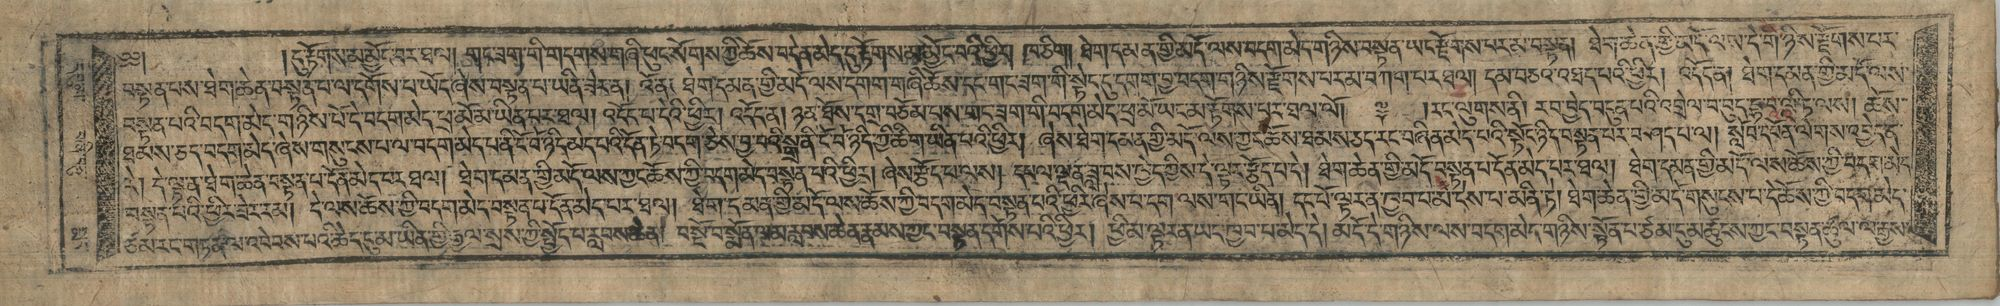༄༅། །དུ་རྟོགས་མ་མྱོང་བར་ཐལ། གང་ཟག་གི་གདགས་གཞི་ཕུང་སོགས་ཀྱི་ཆོས་བདེན་མེད་དུ་རྟོགས་མ་མྱོང་བའི་ཕྱིར། ཁ་ཅིག །ཐེག་དམན་གྱི་མདོ་ལས་བདག་མེད་གཉིས་བསྟན་ཡང་རྫོགས་པར་མ་བསྟན། ཐེག་ཆེན་གྱི་མདོ་ལས་དེ་གཉིས་རྫོགས་པར་
བསྟན་པས་ཐེག་ཆེན་བསྟན་པ་ལ་དགོས་པ་ཡོད་ཞེས་བསྟན་པ་ཡིན་ཟེར་ན། འོ་ན། ཐེག་དམན་གྱི་མདོ་ལས་དགག་གཞི་ཆོས་དང་གང་ཟག་གི་སྟེང་དུ་དགག་བྱ་བདག་གཉིས་རྫོགས་པར་མ་བཀག་པར་ཐལ། དམ་བཅའ་འཐད་པའི་ཕྱིར། འདོད་ན། ཐེག་དམན་གྱི་མདོ་ལས་
བསྟན་པའི་བདག་མེད་གཉིས་པོ་དེ་བདག་མེད་ཕྲ་མོ་མ་ཡིན་པར་ཐལ། འདོད་པ་དེའི་ཕྱིར། འདོད་ན། ཉན་ཐོས་དགྲ་བཅོམ་པས་གང་ཟག་གི་བདག་མེད་ཕྲ་མོ་ཡང་མ་རྟོགས་པར་ཐལ་ལོ། ༈ །རང་ལུགས་ནི། རབ་བྱེད་བདུན་པའི་འགྲེལ་བ་བུད་དཱབཱ་ལི་ཏ་ལས། ཆོས་
ཐམས་ཅད་བདག་མེད་ཞེས་གསུངས་པ་ལ་བདག་མེད་པ་ནི་ངོ་བོ་ཉིད་མེད་པའི་དོན་ཏེ་བདག་ཅེས་བྱ་བའི་སྒྲ་ནི་ངོ་བོ་ཉིད་ཀྱི་ཚིག་ཡིན་པའི་ཕྱིར། ཞེས་ཐེག་དམན་གྱི་མདོ་ལས་ཀྱང་ཆོས་ཐམས་ཅད་རང་བཞིན་མེད་པའི་སྟོང་ཉིད་བསྟན་པར་བཤད་པ་ལ། སློབ་དཔོན་ལེགས་འབྱེད་ན་
རེ། དེ་ལྟར་ན་ཐེག་ཆེན་བསྟན་པ་དོན་མེད་པར་ཐལ། ཐེག་དམན་གྱི་མདོ་ལས་ཀྱང་ཆོས་ཀྱི་བདག་མེད་བསྟན་པའི་ཕྱིར། ཞེས་རྩོད་པ་ལས། དཔལ་ལྡན་ཟླ་བས་ཁྱེད་ཀྱིས་དེ་ལྟར་རྩོད་པ་དེ། ཐེག་ཆེན་གྱི་མདོ་བསྟན་པ་དོན་མེད་པར་ཐལ། ཐེག་དམན་གྱི་མདོ་ལས་ཆོས་ཀྱི་བདག་མེད་
བསྟན་པའི་ཕྱིར་ཟེར་རམ། དེ་ལས་ཆོས་ཀྱི་བདག་མེད་བསྟན་པ་དོན་མེད་པར་ཐལ། ཐེག་དམན་གྱི་མདོ་ལས་ཆོས་ཀྱི་བདག་མེད་བསྟན་པའི་ཕྱིར་ཞེས་པ་དག་ལས་གང་ཡིན། དང་པོ་ལྟར་ན་ཁྱབ་པ་མ་ངེས་པ་ཡིན་ཏེ། ཐེག་ཆེན་གྱི་མདོ་གསུངས་པ་དེ་ཆོས་ཀྱི་བདག་མེད་
ཙམ་རང་གཏན་ལ་འབེབས་པའི་ཆེད་དུ་མ་ཡིན་གྱི་རྒྱལ་སྲས་ཀྱི་སྤྱོད་པ་རླབས་ཆེན། བསྔོ་བ་སྨོན་ལམ་རླབས་ཆེན་རྣམས་ཀྱང་བསྟན་དགོས་པའི་ཕྱིར། ཕྱི་མ་ལྟར་ན་ཡང་ཁྱབ་པ་མེད་དེ། མདོ་དེ་གཉིས་ལས་བདག་མེད་གཉིས་སྟོན་པ་ཙམ་དུ་མཚུངས་ཀྱང་བསྟན་ཚུལ་ལ་རྒྱས་